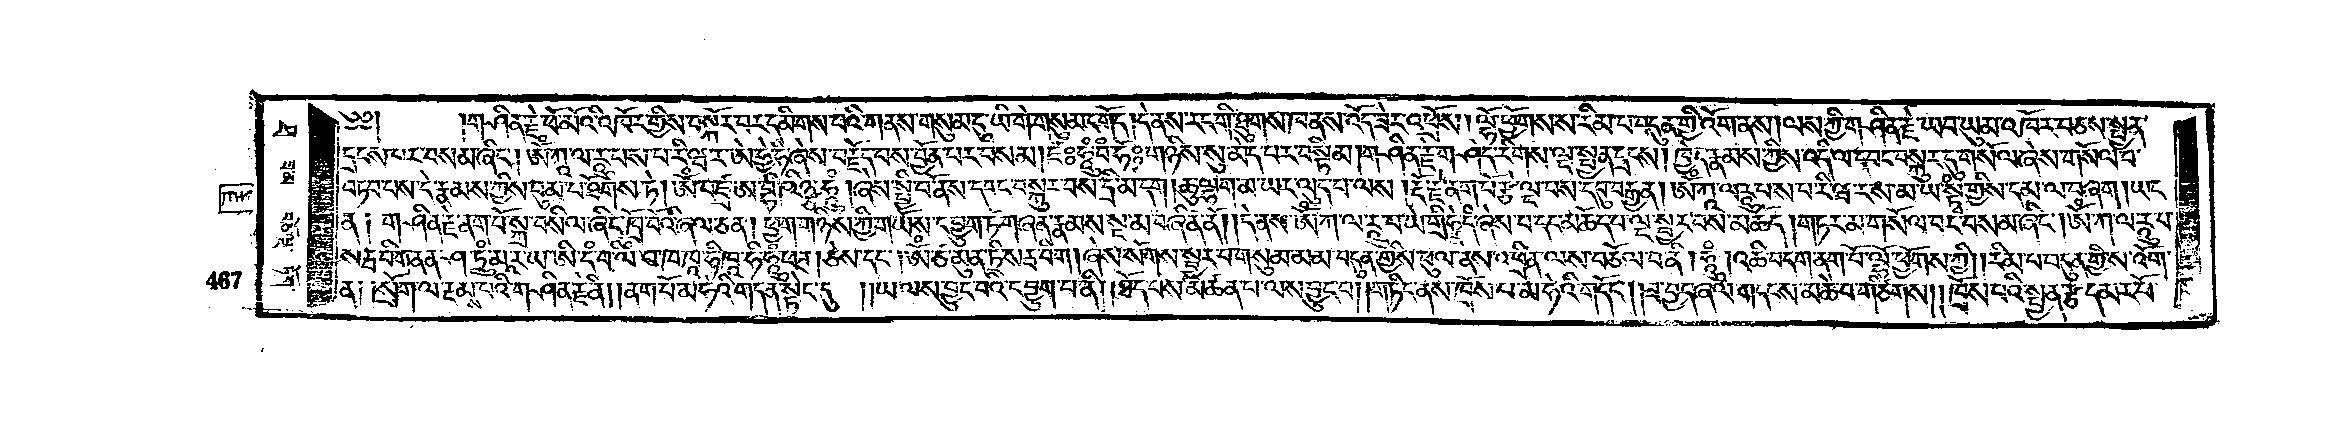༄༅། །གཤིན་རྗེ་ཕོ་མོའི་འཁོར་གྱིས་བསྐོར་བར་དམིགས་པའི་གནས་གསུམ་དུ་ཡི་གེ་གསུམ་དགོད། དེ་ནས་རང་གི་ཐུགས་ཁ་ནས་འོད་ཟེར་འཕྲོས། ལྷོ་ཕྱོགས་ས་རིམ་པ་བདུན་གྱི་འོག་ནས། ལས་ཀྱི་གཤིན་རྗེ་ཡབ་ཡུམ་འཁོར་བཅས་སྤྱན་
དྲངས་པར་བསམ་ཞིང་། ཨོཾ་ཀཱ་ལ་རཱུ་པས་པ་རི་ཝ་ར་ཨེ་ཧྱེ་ཧི་ཞེས་བརྗོད་པས་བྱོན་པར་བསམ། ཛཿ ཧཱུཾ་བཾ་ཧོཿ གཉིས་སུ་མེད་པར་བསྟིམ། གཤིན་རྗེ་གཤེད་རིགས་ལྔ་སྤྱན་དྲངས། ཁྱེད་རྣམས་ཀྱིས་འདི་ལ་དབང་བསྐུར་དུ་གསོལ་ཞེས་གསོལ་བ་
བཏབ་པས་དེ་རྣམས་ཀྱིས་བུམ་པ་ཐོགས་ཏེ། ཨོཾ་བཛྲ་ཨ་བྷི་ཥིཉྩ་ཧཱུཾ། ཞེས་སྤྱི་བོ་ནས་དབང་བསྐུར་བས་དྲི་མ་དག། ཆུ་ལྷག་མ་ཡར་ལུད་པ་ལས། རྡོ་རྗེ་ནག་པོ་རྩེ་ལྔ་པས་དབུ་བརྒྱན། ཨོཾ་ཀཱ་ལ་རཱུ་པ་ས་པ་རི་ཝ་ར་ས་མ་ཡ་སྟྭཾ་གྱིས་དམ་ལ་བཞག། ཡང་
ན། གཤིན་རྗེ་ནག་པོ་སྐྲ་བསིལ་ཞིང་ཁྲོ་བོའི་ཞལ་ཅན། ཕྱག་གཉིས་ཀྱི་གཡས་དབྱུག་ཏོ་གཞན་རྣམས་སྔ་མ་བཞིན་ནོ། །དེ་ནས་ཨོཾ་ཀ་ལ་རཱུ་པ་ཡེ་གྲིཧྣེ་དཾ་ཞེས་པ་དང་མཆོད་པ་ལྔ་སྦྱར་བས་མཆོད། གཏོར་མ་གསོལ་བར་བསམ་ཞིང་། ཨོཾ་ཀ་ལ་རཱུ་པ་
སརྦ་བིག་ནན་ཤ་ཏྲཱཾ་མ་རཱ་ཡ་ཨི་དཾ་བ་ལིཾ་ཁ་ཁ་ཁཱ་ཧི་ཁཱ་ཧི་ཧཱུཾ་ཕཊ། ཅེས་དང་། ཨོཾ་ཙ་མུན་ཏྲི་སརྦ་བིག། ཞེས་སོགས་སྦྱར་བ་གསུམ་མམ་བདུན་གྱིས་ཕུལ་ནས་འཕྲིན་ལས་བཅོལ་བ་ནི། ཧཱུཾ། འཆི་བདག་ནག་པོ་ལྷོ་ཕྱོགས་ཀྱི། །རིམ་པ་བདུན་གྱི་ས་འོག་
ན། །སྲོག་ལ་རྔམས་པའི་གཤིན་རྗེ་ནི། །ནག་པོ་མ་ཧེའི་གདན་སྟེང་དུ། །ཡ་ལས་བྱུང་བའི་དབྱུག་པ་ནི། །ཐོད་པས་མཚན་པ་ལས་བྱུང་བ། །གཏིང་ནས་ཁྲོས་པ་མ་ཧེའི་གདོང་། ཟ་བྱེད་ཞལ་གདངས་མཆེ་བ་གཙིགས། །ཁྲོས་པའི་སྤྱན་རྩ་དམར་པོ་